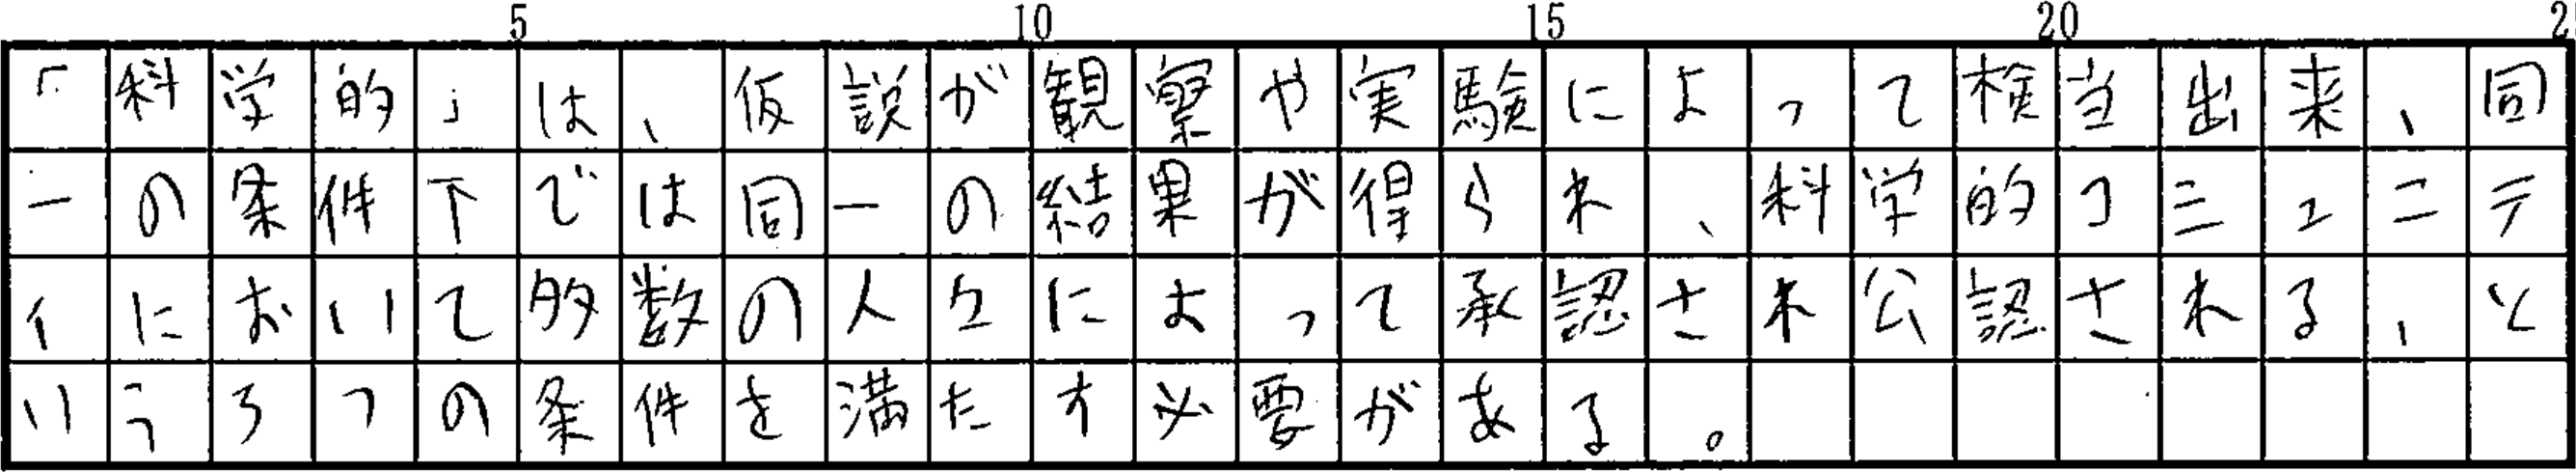「科学的」は、仮説が観察や実験によって検当出来、同一の条件下では同一の結果が得られ、科学的コミュニティにおいて多数の人々によって承認され公認される、という３つの条件を満たす必要がある。
